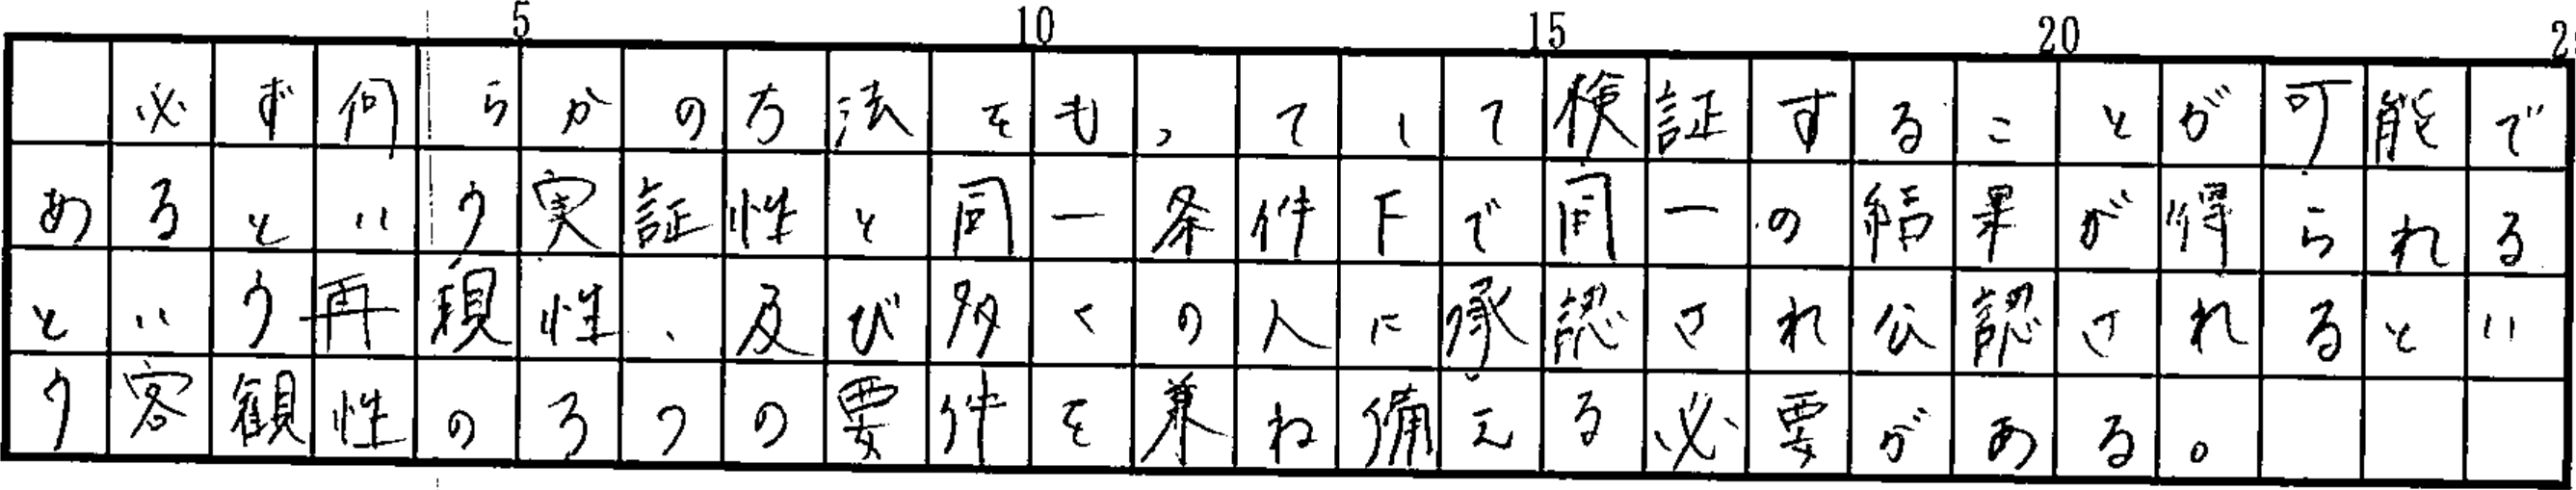　必ず何らかの方法をもってして検証することが可能であるという実証性と同一条件下で同一の結果が得られるという再現性、及び多くの人に承認され公認されるという客観性の３つの要件を兼ね備える必要がある。
